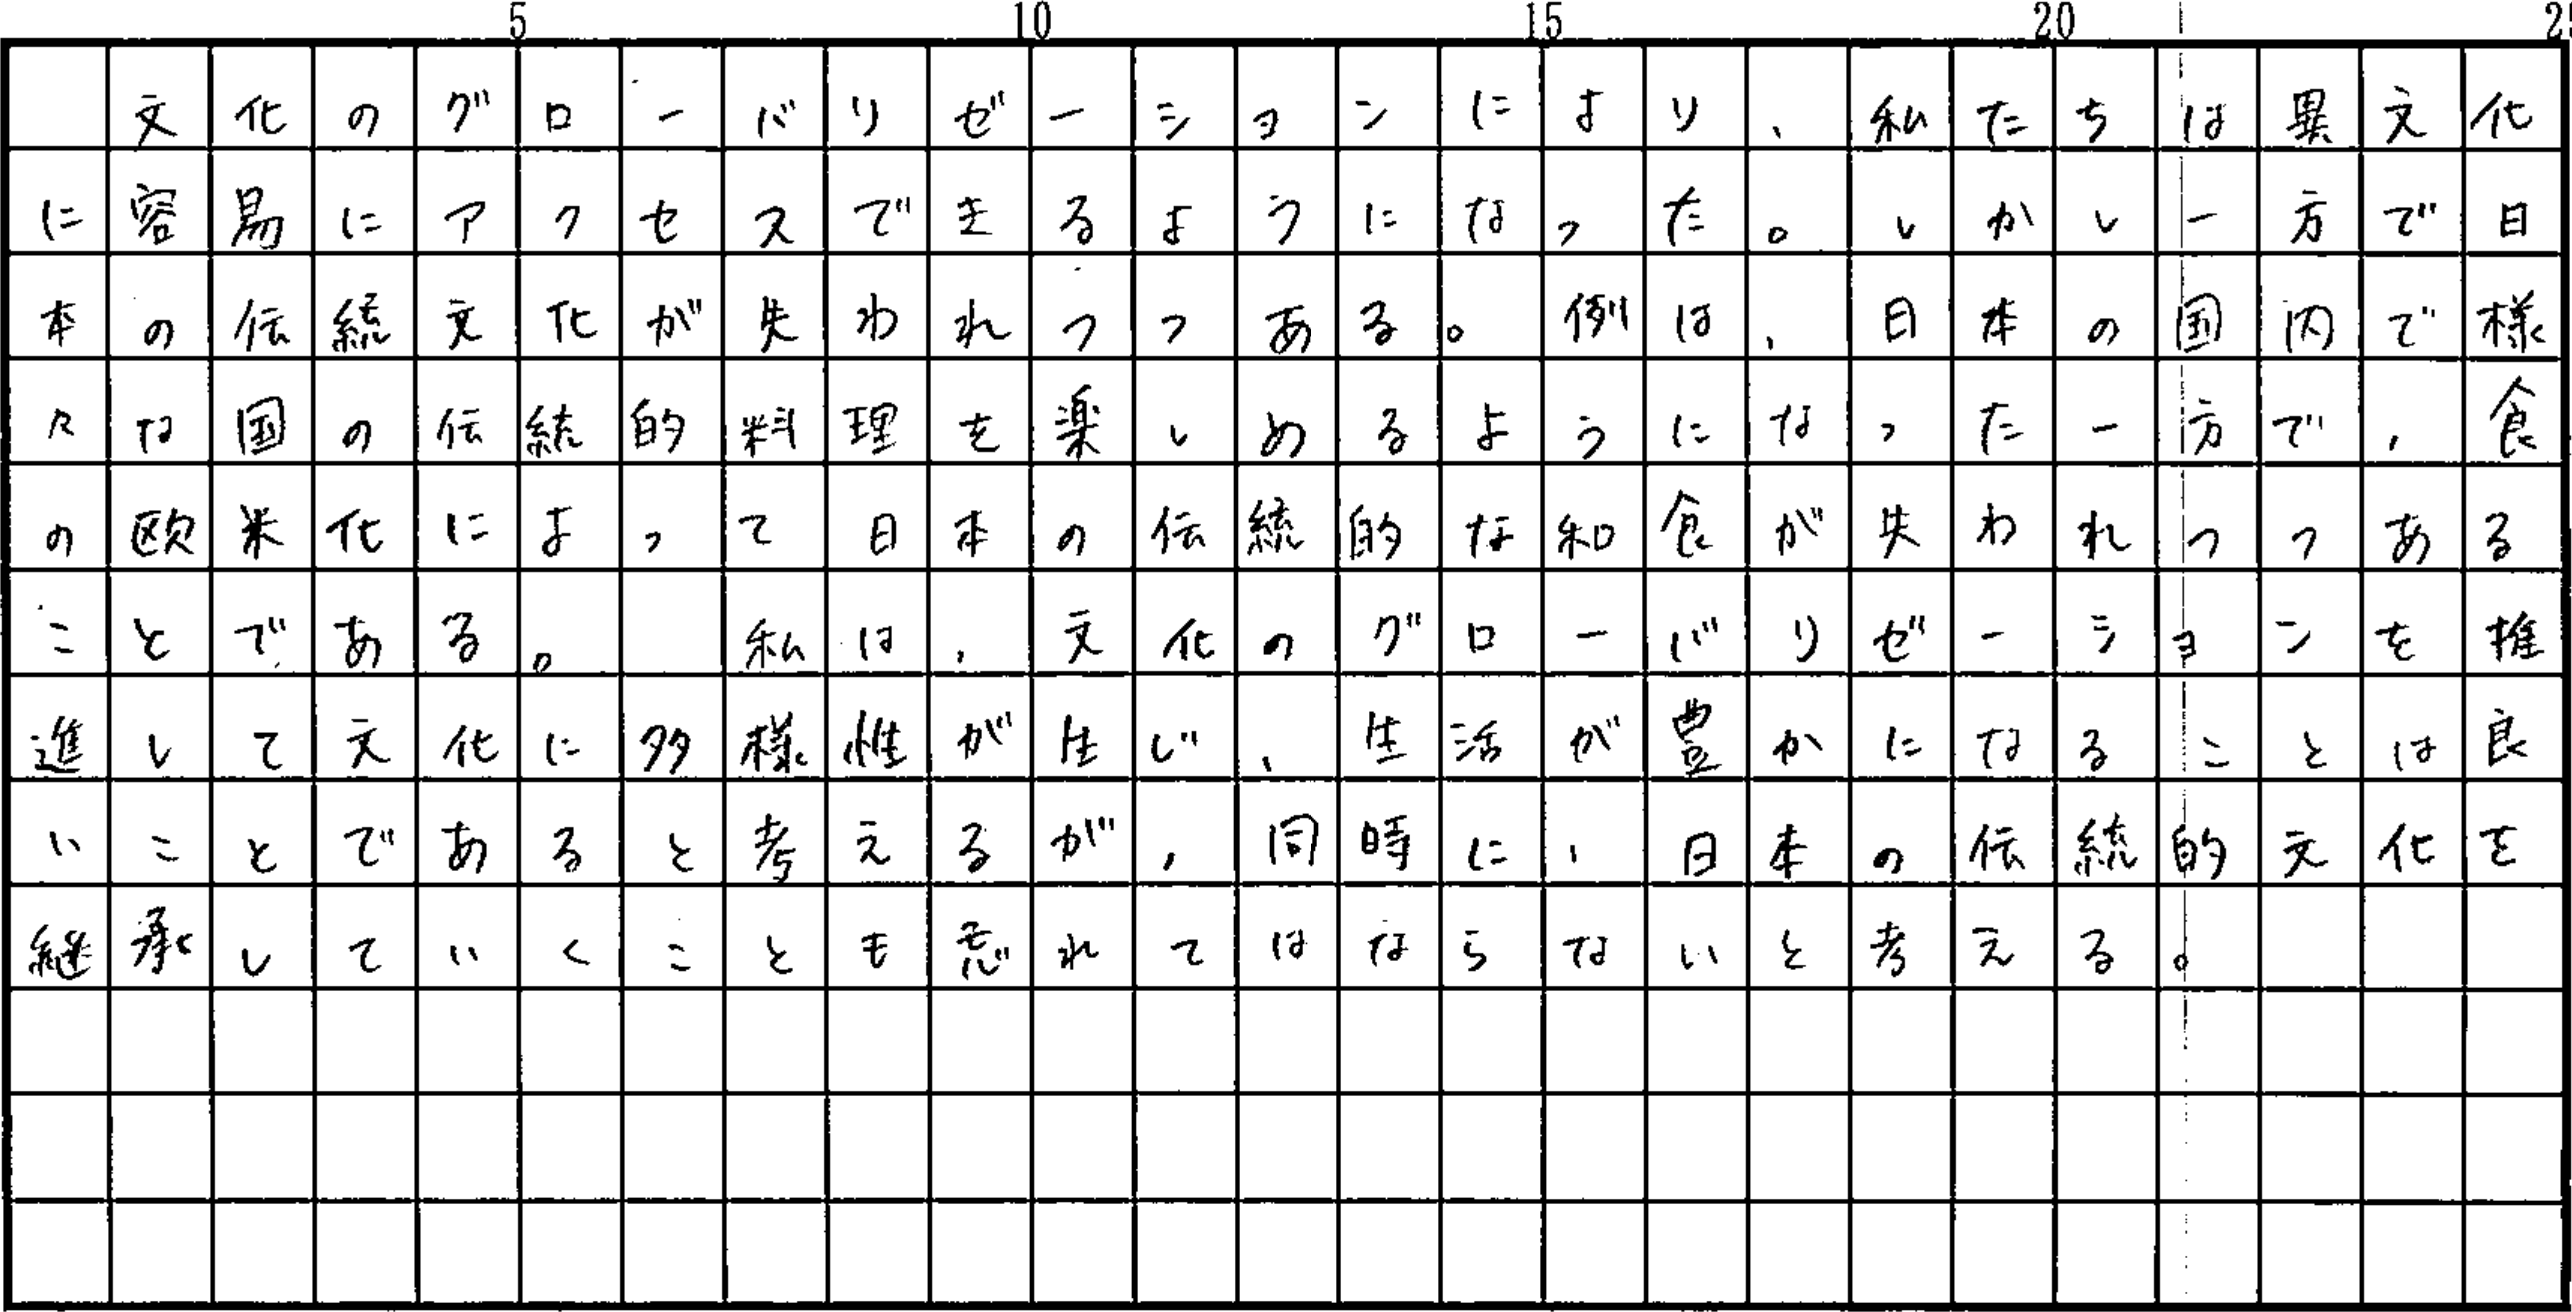　文化のグローバリゼーションにより、私たちは異文化に容易にアクセスできるようになった。しかし一方で日本の伝統文化が失われつつある。例は、日本の国内で様々な国の伝統的料理を楽しめるようになった一方で、食の欧米化によって日本の伝統的な和食が失われつつあることである。　私は、文化のグローバリゼーションを推進して文化に多様性が生じ、生活が豊かになることは良いことであると考えるが、同時に、日本の伝統的文化を継承していくことも忘れてはならないと考える。
